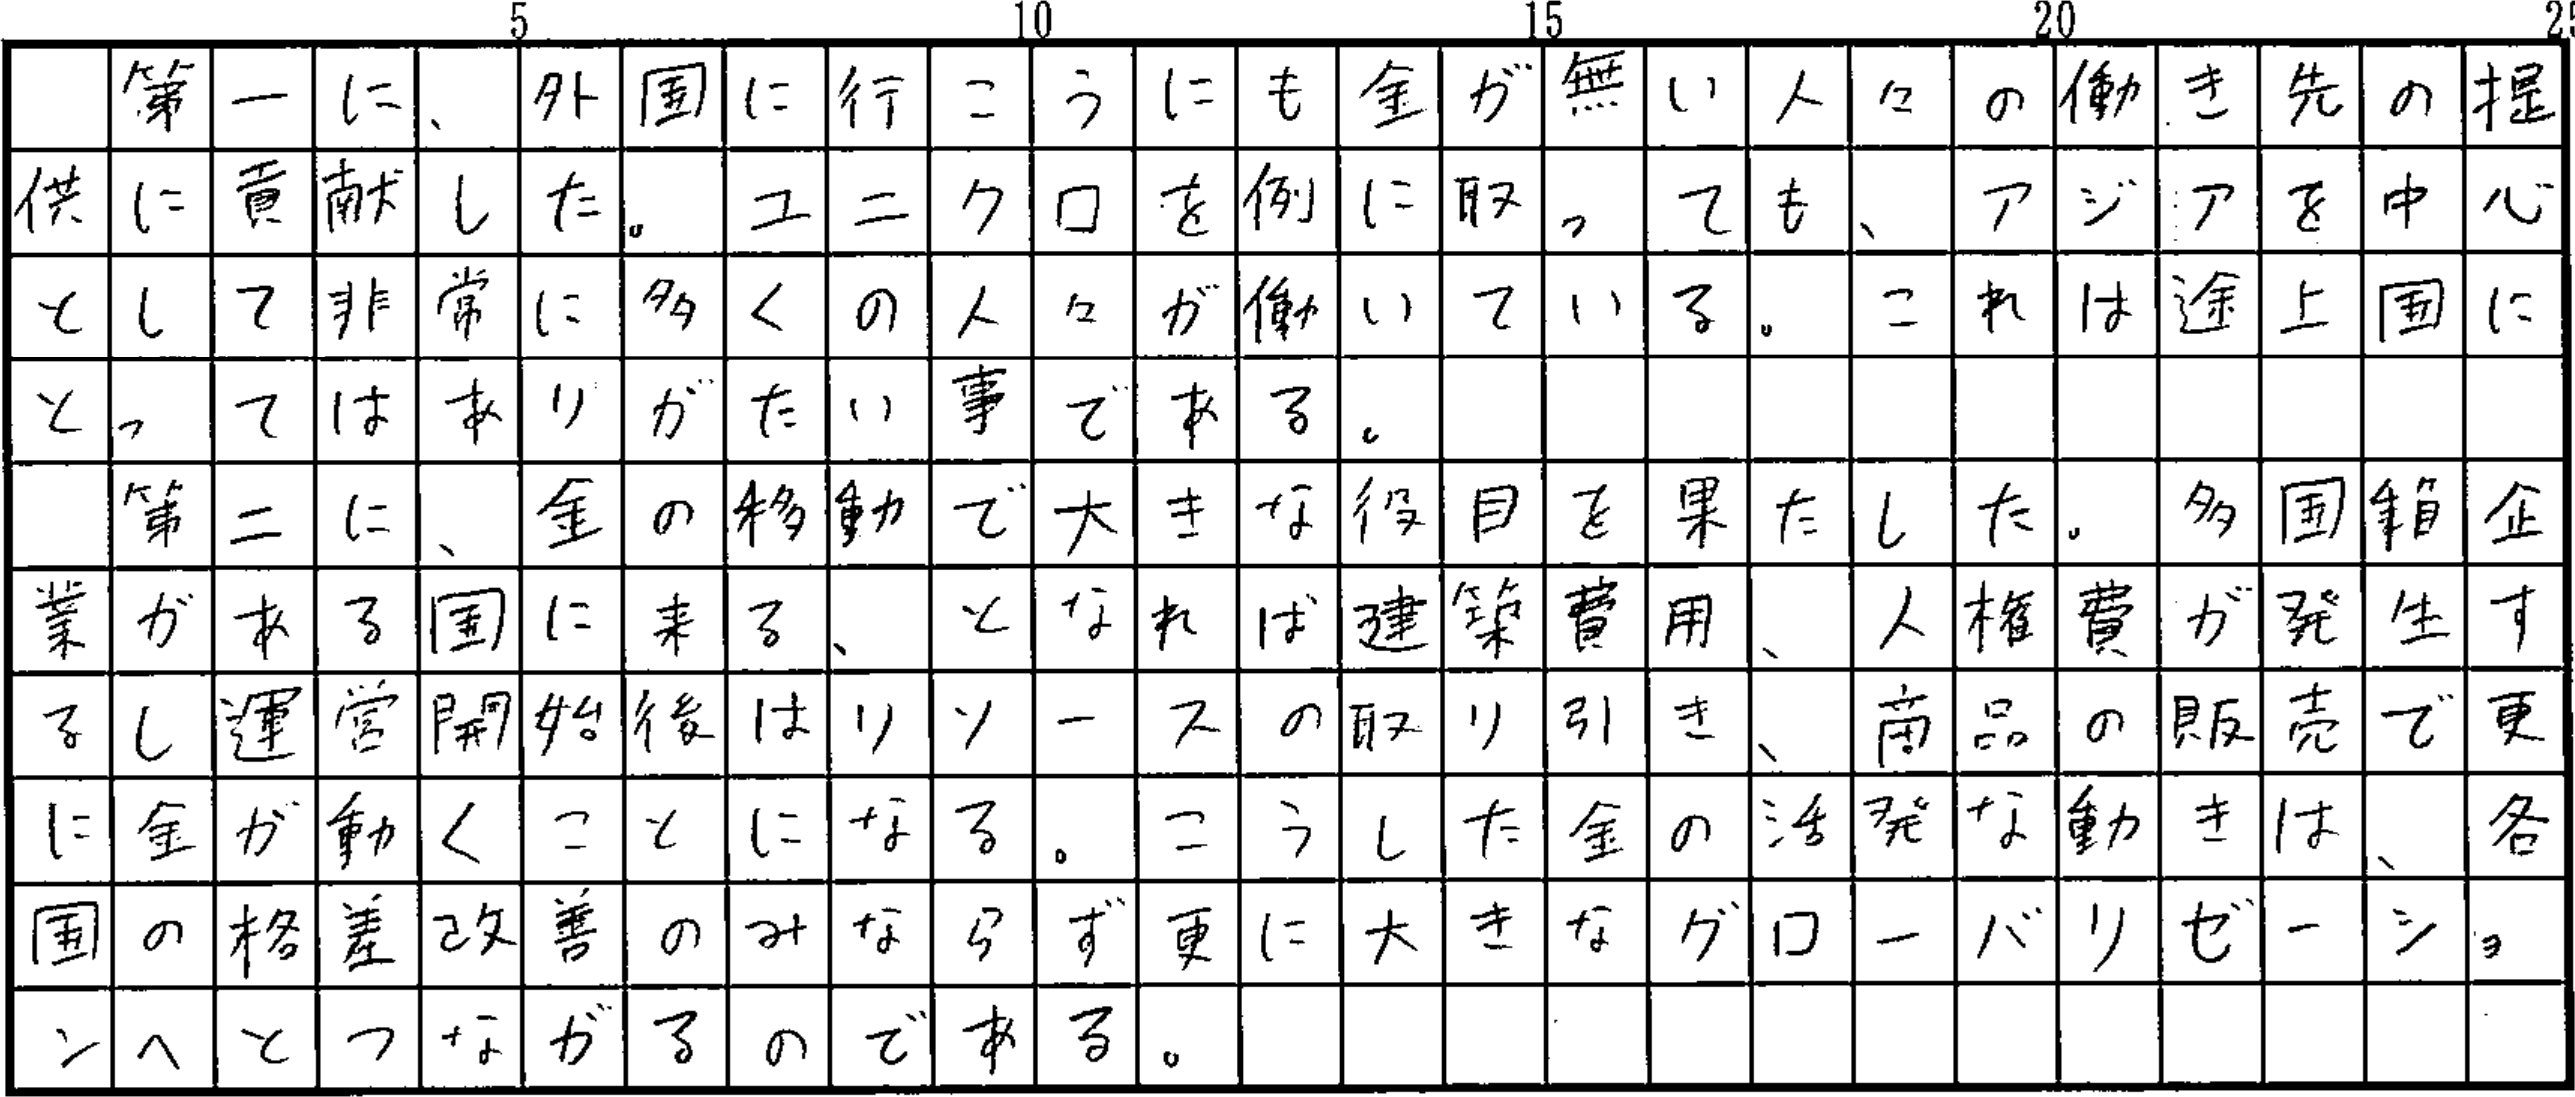　第一に、外国に行こうにも金が無い人々の働き先の提供に貢献した。ユニクロを例に取っても、アジアを中心として非常に多くの人々が働いている。これは途上国にとってはありがたい事である。
　第二に、金の移動で大きな役目を果たした。多国籍企業がある国に来る、となれば建築費用、人権費が発生するし運営開始後はリソースの取り引き、商品の販売で更に金が動くことになる。こうした金の活発な動きは、各国の格差改善のみならず更に大きなグローバリゼーションへとつながるのである。
